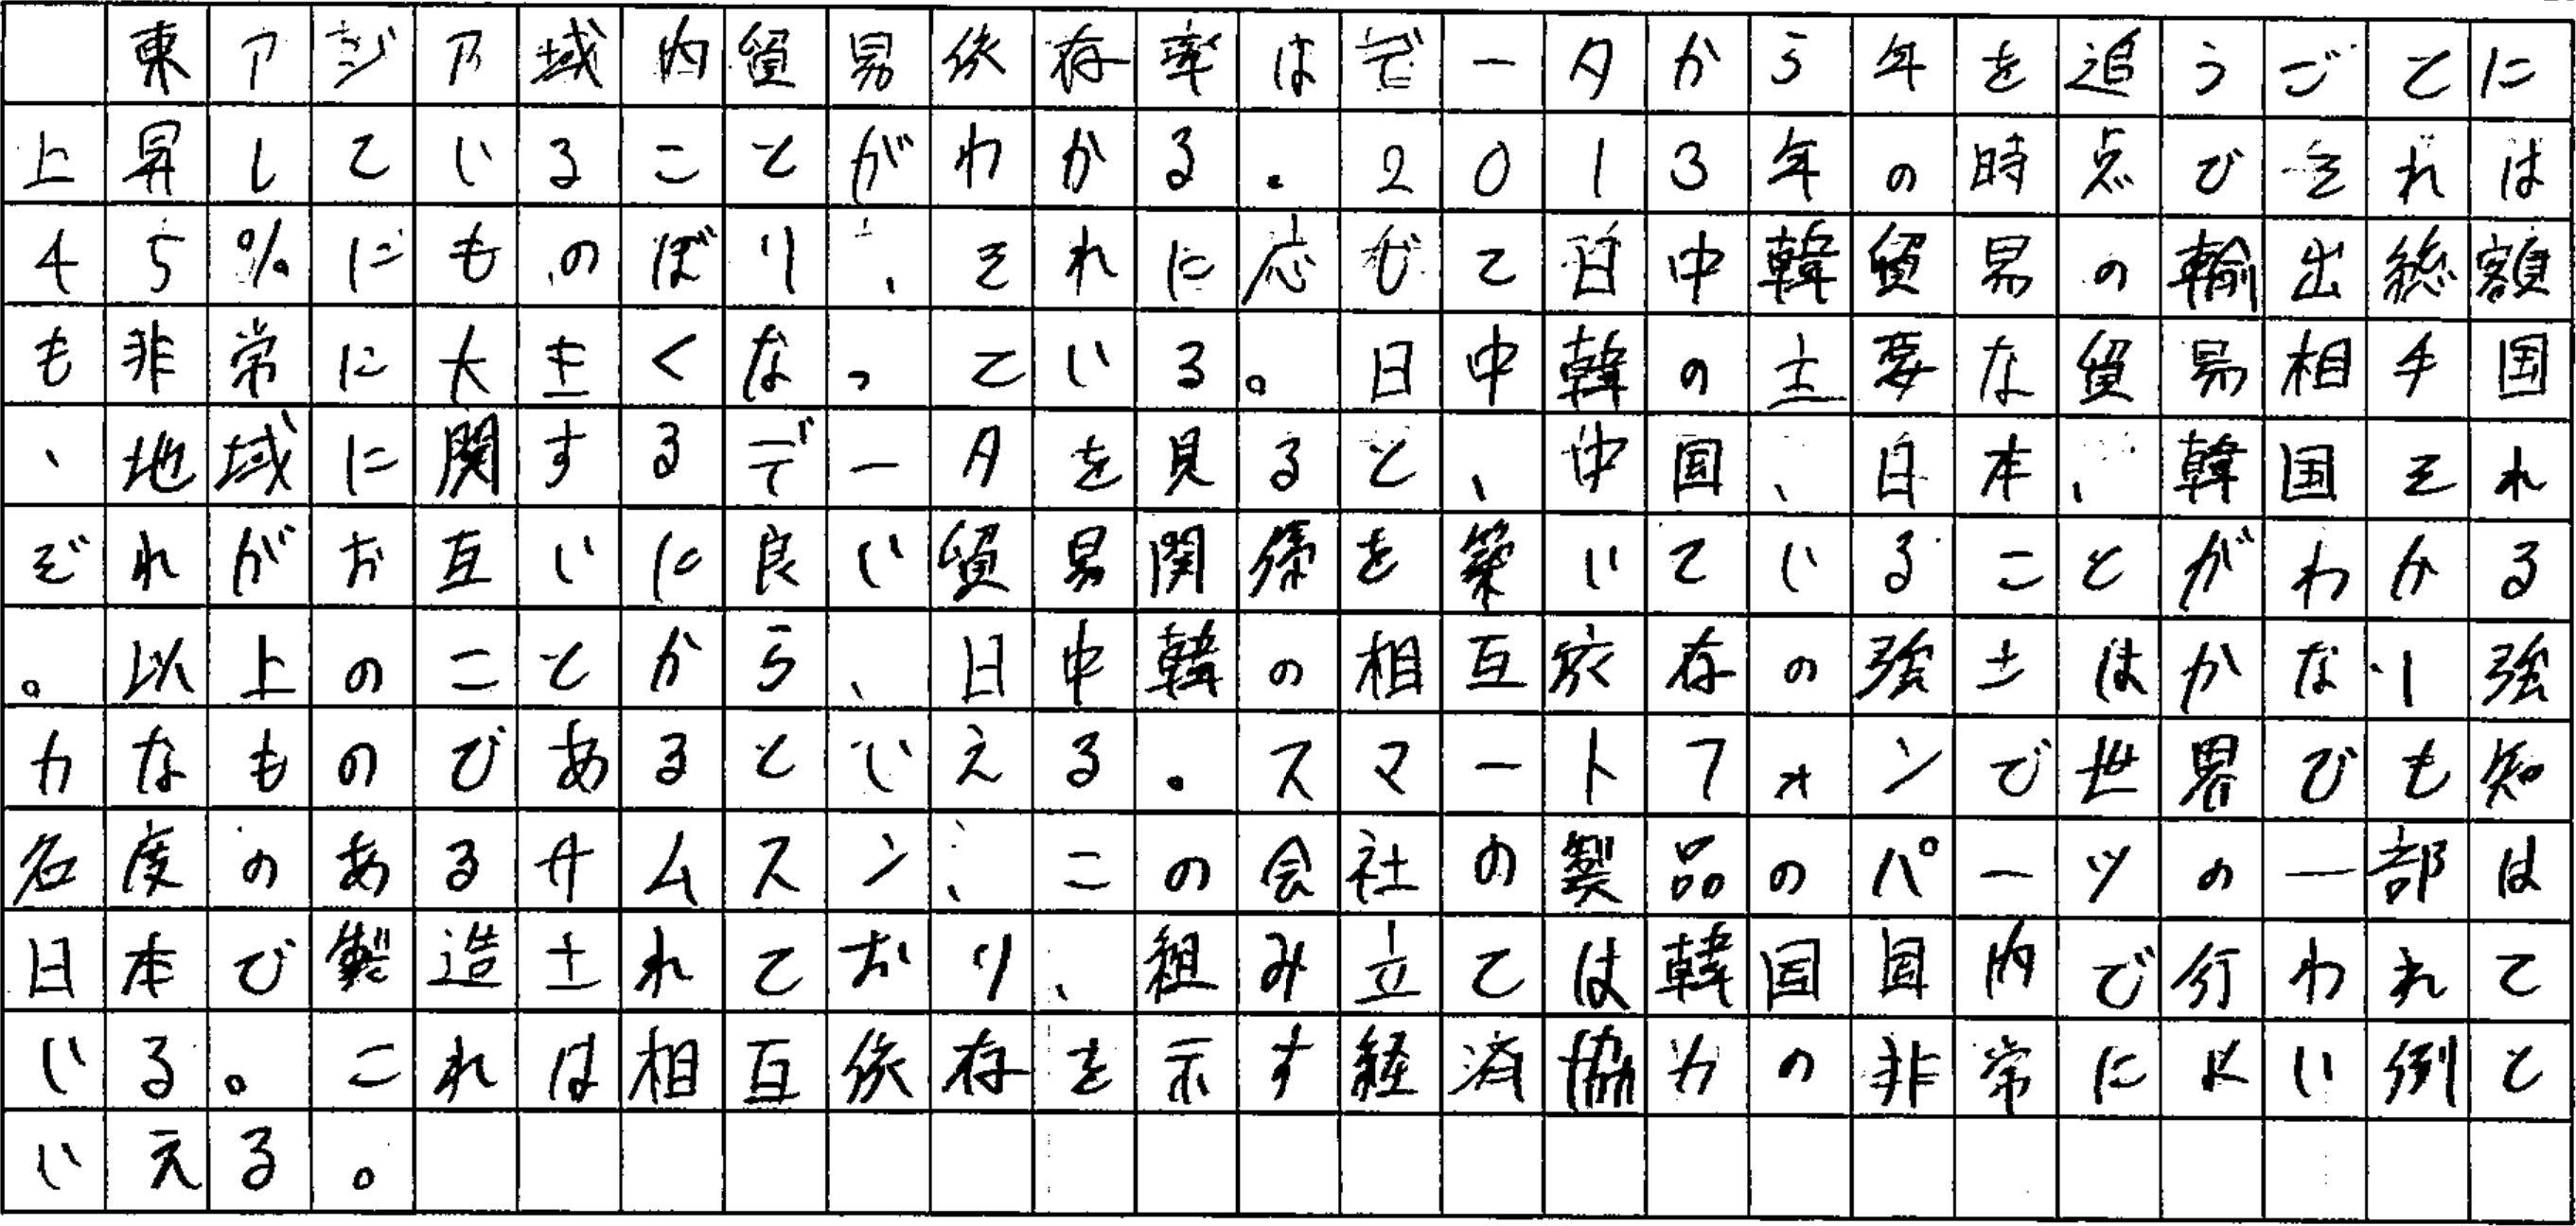　東アジア域内貿易依存率はデータから年を追うごとに上昇していることがわかる。２０１３年の時点でそれは４５％にものぼり、それに応じて日中韓貿易の輸出総額も非常に大きくなっている。日中韓の主要な貿易相手国、地域に関するデータを見ると、中国、日本、韓国それぞれがお互いに良い貿易関係を築いていることがわかる。以上のことから、日中韓の相互依存の強さはかなり強力なものであるといえる。スマートフォンで世界でも知名度のあるサムスン、この会社の▁品のパーツの一部は日本で製造されており、組み立ては韓国国内で行われている。これは相互▁存を示す経済協力の非常によい例といえる。
